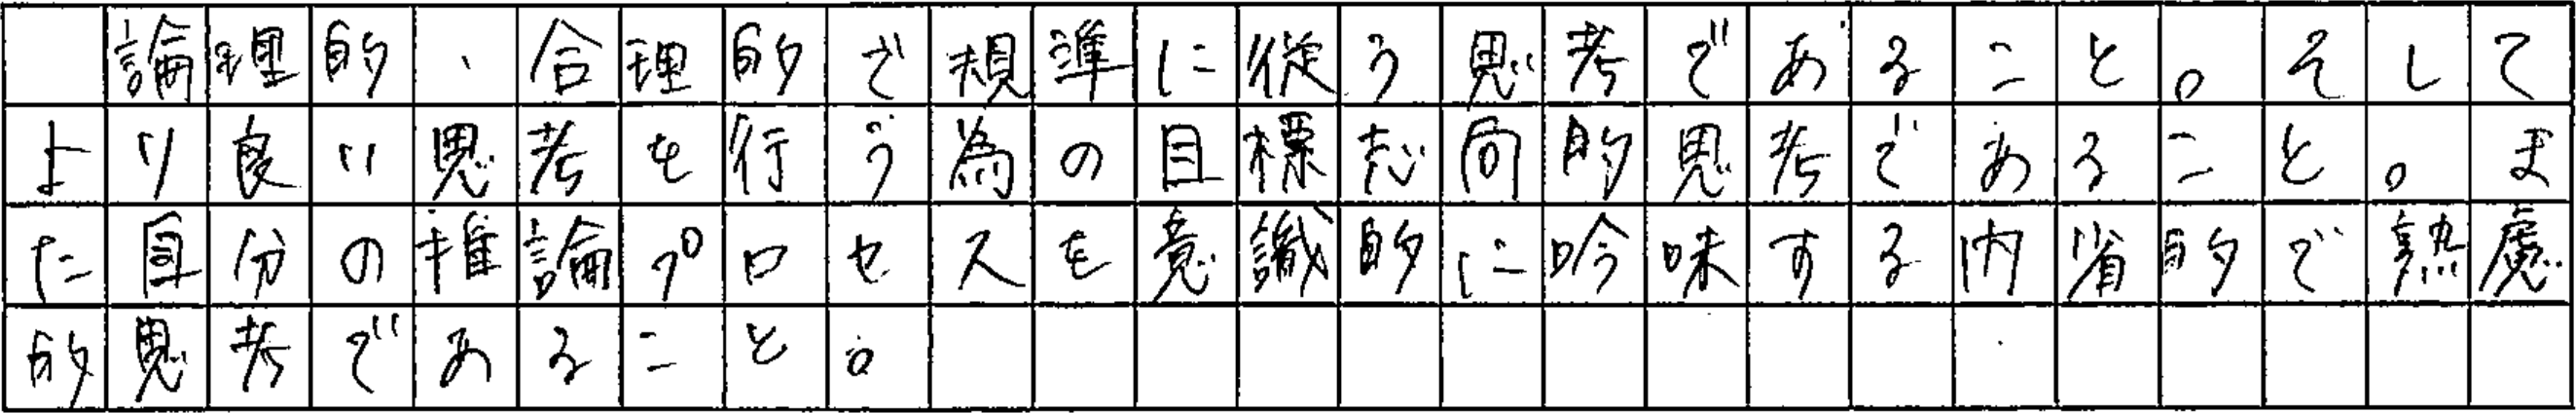　論理的・合理的で規準に従う思考であること。そしてより良い思考を行う為の目標志向的思考であること。また自分の推論プロセスを意識的に吟味する内省的で熟慮的思考であること。
